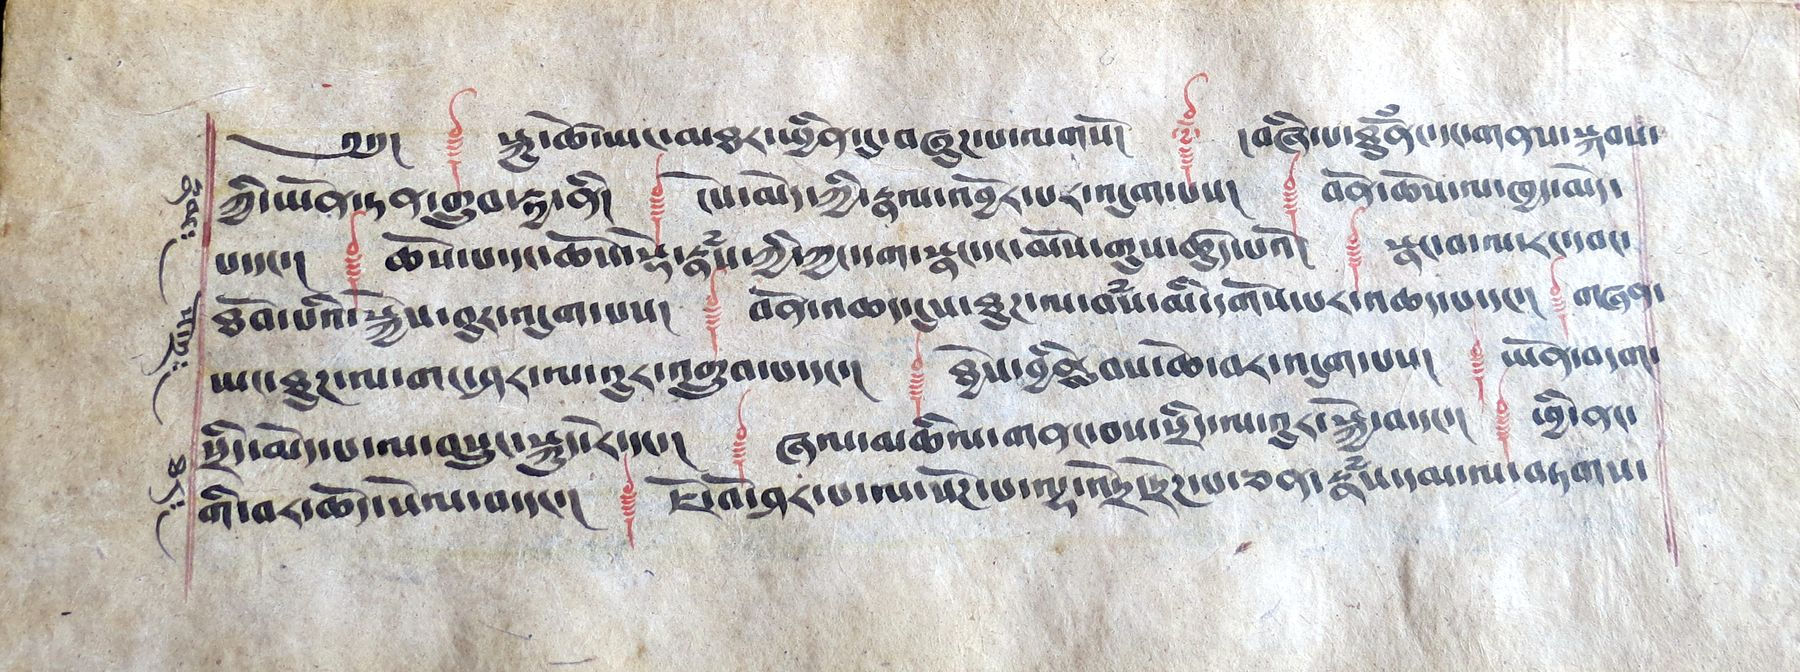སྐུ་ཚེ་ཡང་མཐར་ཕྱིན་དུ་བཞུགས་པ་ལགས་སོ། ། བཞི་པ་ཐུན་མོང་དང་གནས་སྐབས་
ཀྱི་ཡོན་ཏན་གྲུབ་རྟགས་ནི། ངེས་མེད་རྣལ་འབྱོར་པར་འདུག་པས། བོན་ཆོས་ལ་ཁྱད་མེད
པ་དང་། ཆོས་པ་དང་ཆོས་སྡེ་རྣམས་ཀྱིས་ཀྱང་དག་སྣང་དང་མོས་གུས་ཚུད་པའོ། ། སྣང་བ་ལ་རང་དབང་
ཐོབ་པའི་སྐྱེས་བུར་འདུག་པས། བོན་འཆད་དུས་ཐུགས་ལ་བསམ་མི་དགོས་པར་འཆད་པ་དང་། གཞན་
ཡང་ཐུགས་ལ་གང་ཤར་ལ་འུར་འགྲུབ་པ་དང་། ཐུགས་རྗེ་བྱིན་རླབས་ཆེ་བར་འདུག་པས། ཡོན་བདག་
སྲིད་མེད་པ་ལ་བསྲུང་སྐུད་རེ་དང་། ཞལ་མཆིལ་གནང་བས་སྲིད་ལ་འུར་སྐྱེ་བ་དང་། ཕྱི་ནང་
གི་བར་ཆོད་སེལ་བ་དང་། ཇོ་བོ་ཤར་པ་ལ་སོགས་པ་ལྷ་འདྲེ་དྲེགས་པ་ཅན་རྣམས་དམ་ལ་བཏགས་